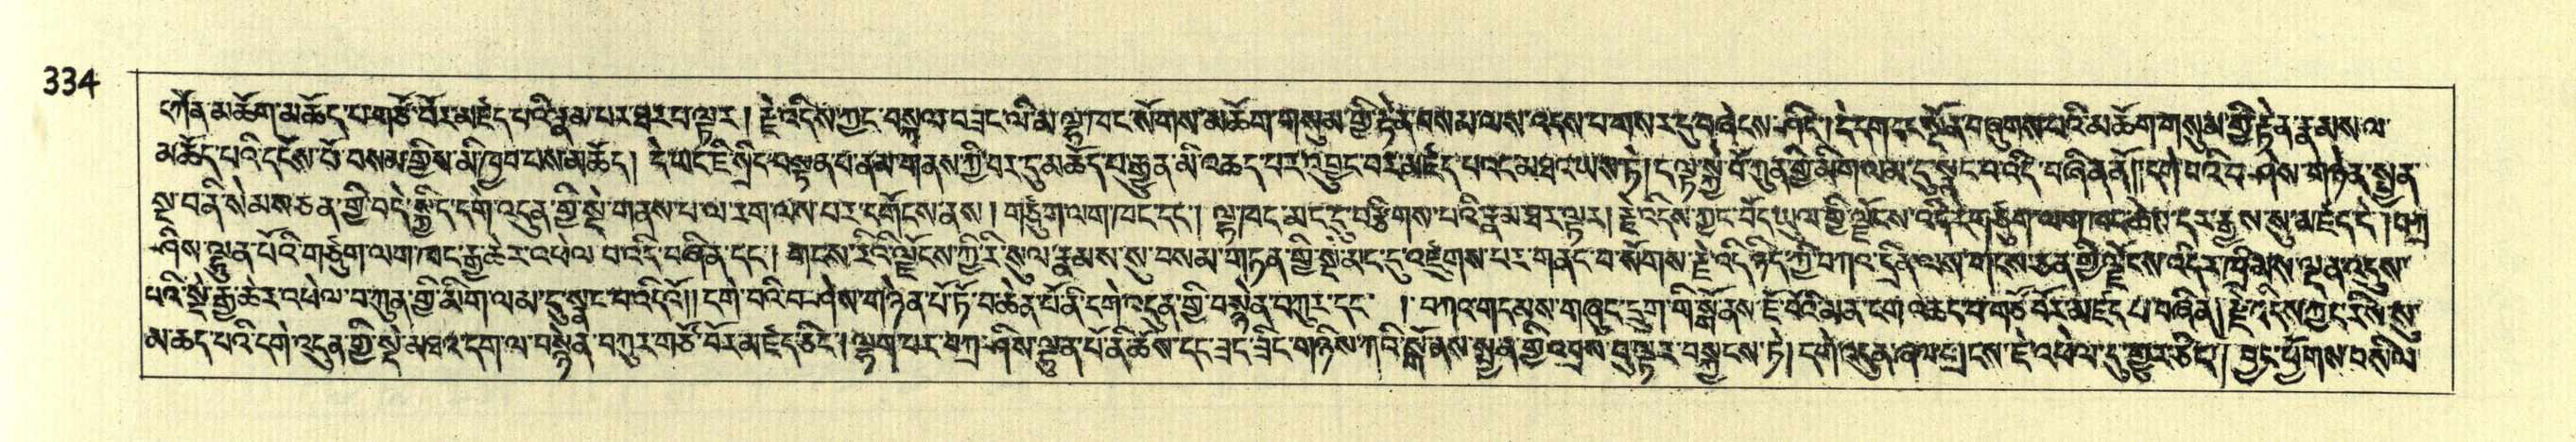དཀོན་མཆོག་མཆོད་པ་གཙོ་བོར་མཛད་པའི་རྣམ་པར་ཐར་པ་ལྟར། རྗེ་འདིས་ཀྱང་བསྐལ་བཟང་ལི་མ་ལྷ་ཁང་སོགས་མཆོག་གསུམ་གྱི་རྟེན་བསམ་ལས་འདས་པ་གསར་དུ་བཞེངས་ཤིང་།དེ་དག་དང་སྔོན་བཞུགས་པའི་མཆོག་གསུམ་གྱི་རྟེན་རྣམས་ལ་
མཆོད་པའི་དངོས་པོ་བསམ་གྱིས་མི་ཁྱབ་པས་མཆོད། དེ་ཡང་ཇི་སྲིད་བསྟན་པ་ནམ་གནས་ཀྱི་བར་དུ་མཆོད་པ་རྒྱུན་མི་འཆད་པར་འབྱུང་བར་མཛད་པའང་མཐའ་ཡས་ཏེ། ང་ལྟ་སྐྱེ་བོ་ཀུན་གྱི་མིག་ལམ་དུ་སྣང་བ་འདི་བཞིན་ནོ། །དགེ་བའི་བཤེས་གཉེན་སྤྱན་
སྔ་བ་ནི་སེམས་ཅན་གྱི་བདེ་སྐྱིད་དགེ་འདུན་གྱི་སྡེ་གནས་པ་ལ་རག་ལས་པར་དགོངས་ནས། གཙུག་ལག་ཁང་དང་། ལྷ་ཁང་མང་དུ་བརྩིགས་པའི་རྣམ་ཐར་ལྟར། རྗེ་འདིས་ཀྱང་བོད་ཡུལ་གྱི་ལྗོངས་འདིར་གཙུག་ལག་ཁང་ཆེས་དར་རྒྱས་སུ་མཛད་དེ་།བཀྲ་
ཤིས་ལྷུན་པོའི་གཙུག་ལག་ཁང་རྒྱ་ཆེར་འཕེལ་བ་འདི་བཞིན་དང་། གངས་རིའི་ལྗོངས་ཀྱི་རི་སུལ་རྣམས་སུ་བསམ་གཏན་གྱི་སྡེ་མང་དུ་འཛུགས་པར་གནང་བ་སོགས་རྗེ་འདི་ཉིད་ཀྱི་བཀའ་དྲིན་ལས་གངས་ཅན་གྱི་ལྗོངས་འདིར་ཁྲིམས་ལྡན་འདུས་
པའི་སྡེ་རྒྱ་ཆེར་འཕེལ་བ་ཀུན་གྱི་མིག་ལམ་དུ་སྣང་བ་འདིའོ། །དགེ་བའི་བཤེས་གཉེན་པོ་ཏོ་བ་ཆེན་པོ་ནི་དགེ་འདུན་གྱི་བསྙེན་བཀུར་དང་། བཀའ་གདམས་གཞུང་དྲུག་གི་སྒོ་ནས་ཇོ་བོའི་མན་ངག་འཆང་བ་གཙོ་བོར་མཛད་པ་བཞིན། རྗེ་འདིས་ཀྱང་རིས་སུ་
མ་ཆད་པའི་དགེ་འདུན་གྱི་སྡེ་མཐའ་དག་ལ་བསྙེན་བཀུར་གཙོ་བོར་མཛད་ཅིང་། ལྷག་པར་བཀྲ་ཤིས་ལྷུན་པོ་ནི་ཆོས་དང་ཟང་ཟིང་གཉིས་ཀའི་སྒོ་ནས་སྤྱན་གྱི་འབྲས་བུ་ལྟར་བསྐྱངས་ཏེ། དགེ་འདུན་ཞལ་གྲངས་ཇེ་འཕེལ་དུ་གྱུར་ཅིང་། བྱང་ཕྱོགས་བསིལ་